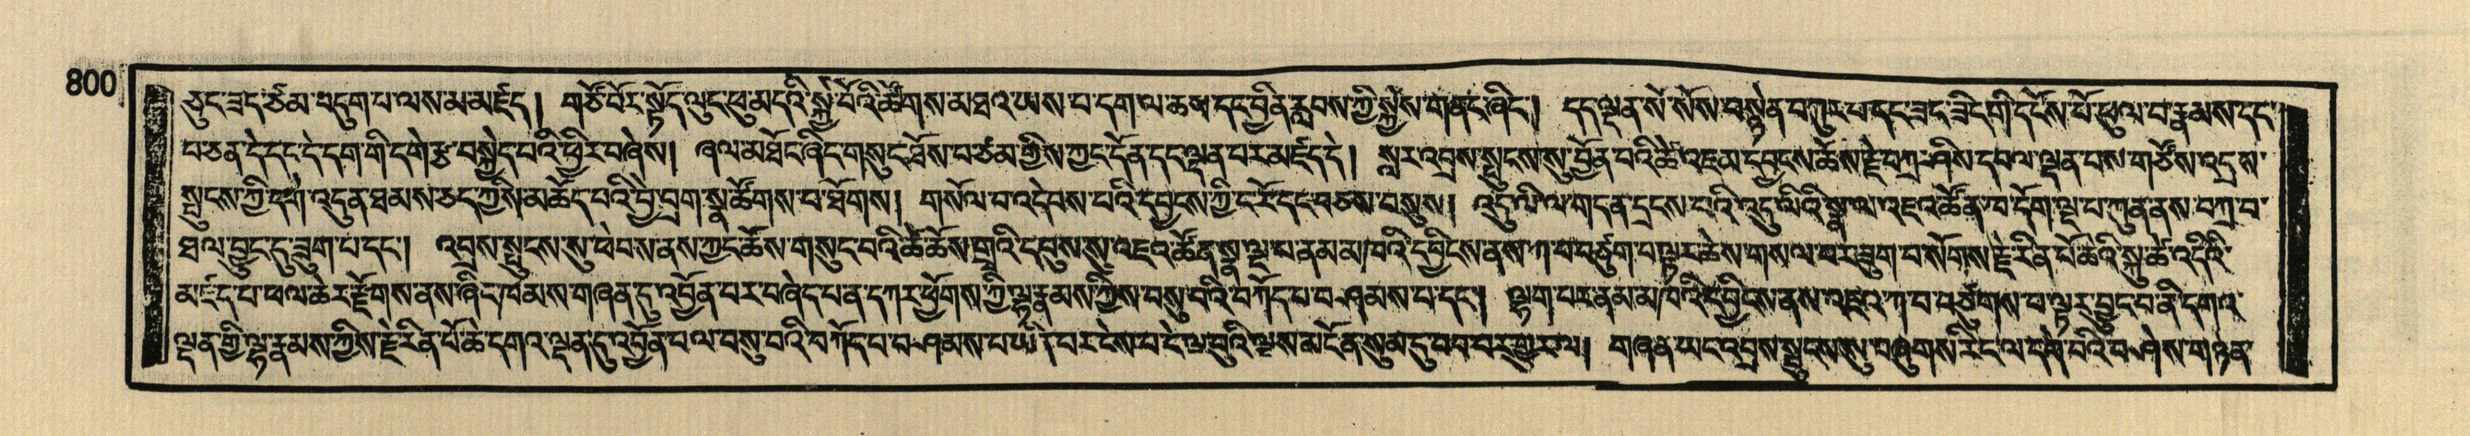ཅུང་ཟད་ཙམ་བདུག་པ་ལས་མ་མཛད། གཙོ་བོར་སྟོད་ལུང་ཕུ་མདའི་སྐྱེ་བོའི་ཚོགས་མཐའ་ཡས་བ་དག་ལ་ཆས་དང་བྱིན་རླབས་ཀྱི་སྐྱེས་གནང་ཞིང་། དད་ལྡན་སོ་སོར་བསྙེན་བཀུར་པ་དང་ཟང་ཟིང་གི་དངོས་པོ་ཕུལ་བ་རྣམས་དང་
བ་ཅན་དེ་དང་དེ་དག་གི་དགེ་རྩ་བསྐྱེད་པའི་ཕྱིར་བཞེས། ཞལ་མཐོང་ཞིང་གསུང་ཐོས་པ་ཙམ་གྱིས་ཀྱང་དོན་དང་ལྡན་པར་མཛད་དེ། སླར་འབྲས་སྤུངས་སུ་བྱོན་པའི་ཚེ་འཇམ་དབྱངས་ཆོས་རྗེ་བཀྲ་ཤིས་དཔལ་ལྡན་པས་གཙོས་འདྲས་
སྤུངས་ཀྱི་དགེ་འདུན་ཐམས་ཅད་ཀྱིས་མཆོད་བའི་བྱེ་བྲག་སྣ་ཚོགས་བ་ཐོགས། གསོལ་བ་འདེབས་པའི་དབྱངས་ཀྱི་ང་རོ་དང་བཅས་བསུས། འདུ་ལི་ལ་གདན་དྲངས་པའི་འདུ་ལིའི་སྣ་ལ་འཇའ་ཚོན་ཁ་དོག་ལྔ་པ་ཀུན་ནས་བཀྲ་བ་
ཐལ་བྱུང་དུ་ཟུག་པ་དང་། འབྲས་སྤུངས་སུ་ཕེབས་ནས་ཀྱང་ཆོས་གསུང་བའི་ཚེ་ཆོས་གྲྭའི་དབུས་སུ་འཇའ་ཚོན་སྣ་ལྔ་པ་ནམ་མཁའི་དབྱིངས་ནས་ཀ་བ་བཙུག་བལྟར་ཆེས་གསལ་བར་ཟུག་བ་སོགས་རྗེ་རིན་པོ་ཆེའི་སྐུ་ཚེ་འདིའི་
མཛད་པ་ཕལ་ཆེར་རྫོགས་ནས་ཞིང་ཁམས་གཞན་དུ་འབྱོན་པར་བཞེད་པ་ན་དཀར་ཕྱོགས་ཀྱི་ལྷ་རྣམས་ཀྱིས་བསུ་བའི་བཀོད་པ་བཤམས་པ་དང་། ལྷག་པར་ནམ་མཁའི་དབྱིངས་ནས་འཇའ་ཀ་བ་བཙུགས་བ་ལྟར་བྱུང་བ་ནི་དགའ་
ལྡན་གྱི་ལྷ་རྣམས་ཀྱིས་རྗེ་རིན་པོ་ཆེ་དགའ་ལྡན་དུ་འབྱོན་པ་ལ་བསུ་བའི་བཀོད་པ་བཤམས་པ་ཡིན་བར་ངེས་པ་དེ་ལྟ་བུའི་ལྡས་མངོན་སུམ་དུ་བབ་བར་གྱུར་ལ། གཞན་ཡང་འབྲས་སྤུངས་སུ་བཞུགས་རིང་ལ་དགེ་བའི་བཤེས་གཉེན་